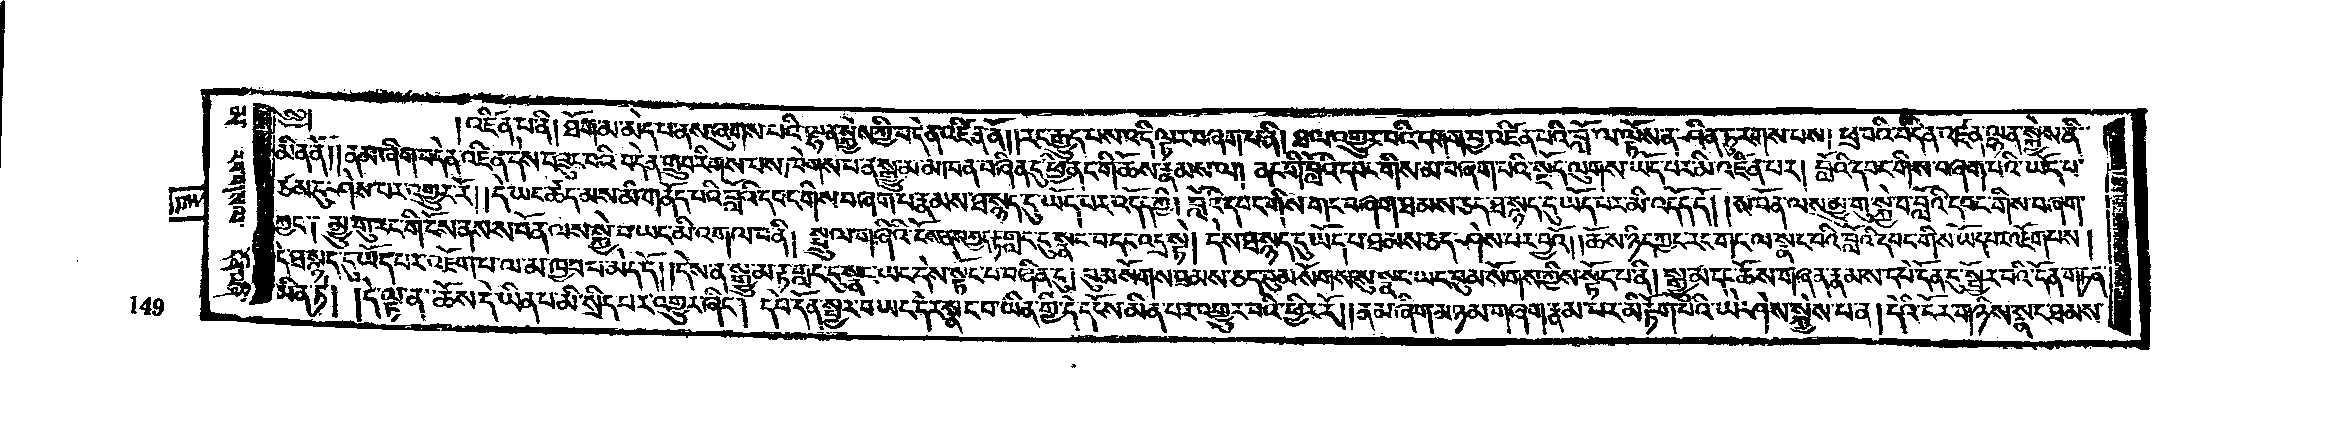༄༅། །འཛིན་པ་ནི། ཐོག་མ་མེད་པ་ནས་ཞུགས་པའི་ལྷན་སྐྱེས་ཀྱི་བདེན་འཛིན་ནོ། །རང་རྒྱུད་པས་འདི་ལྟར་བཞག་པ་ནི། ཐལ་འགྱུར་བའི་དགག་བྱ་འཛིན་པའི་བློ་ལ་ལྟོས་ན་ཤིན་ཏུ་རགས་པས། ཕྲ་བའི་བདེན་འཛིན་ལྷན་སྐྱེས་ནི་
མིན་ནོ། །ནམ་ཞིག་བདེན་འཛིན་དེས་བཟུང་བའི་བདེན་གྲུབ་རིགས་པས་ཁེགས་པ་ན་སྒྱུ་མ་མཁན་བཞིན་དུ་ཕྱི་ནང་གི་ཆོས་རྣམས་ལ། ནང་གི་བློའི་དབང་གིས་མ་བཞག་པའི་སྡོད་ལུགས་ཡོད་པར་མི་འཛིན་པར། བློའི་དབང་གིས་བཞག་པའི་ཡོད་པ་
ཙམ་དུ་ཤེས་པར་འགྱུར་རོ། །དེ་ཡང་ཚད་མས་མི་གནོད་པའི་བློའི་དབང་གིས་བཞག་པ་རྣམས་ཐ་སྙད་དུ་ཡོད་པར་འདོད་ཀྱི། བློའི་དབང་གིས་གང་བཞག་ཐམས་ཅད་ཐ་སྙད་དུ་ཡོད་པར་མི་འདོད་དོ། །ས་བོན་ལས་མྱུ་གུ་སྐྱེ་བ་བློའི་དབང་གིས་བཞག་
ཀྱང་། མྱུ་གུ་རང་གི་ངོས་ནས་ས་བོན་ལས་སྐྱེ་བ་ཡང་མི་འགལ་བ་ནི། སྤྲུལ་གཞིའི་ངོས་ནས་ཀྱང་རྟ་གླང་དུ་སྣང་བ་དང་འདྲ་སྟེ། དེས་ཐ་སྙད་དུ་ཡོད་པ་ཐམས་ཅད་ཤེས་པར་བྱའོ། །ཆོས་ཉིད་ཀྱང་རང་གང་ལ་སྣང་བའི་བློའི་དབང་གིས་ཡོད་པར་འཇོག་པས།
དེ་ཐ་སྙད་དུ་ཡོད་པར་འཇོག་པ་ལ་མ་ཁྱབ་པ་མེད་དོ། །དེས་ན་སྒྱུ་མ་རྟ་གླང་དུ་སྣང་ཡང་དེས་སྟོང་པ་བཞིན་དུ། བུམ་སོགས་ཐམས་ཅད་བུམ་སོགས་སུ་སྣང་ཡང་བུམ་སོགས་ཀྱིས་སྟོང་པ་ནི། སྒྱུ་མ་དང་ཆོས་གཞན་རྣམས་དཔེ་དོན་དུ་སྦྱོར་བའི་དོན་གཏན་
མིན་ཏེ། །དེ་ལྟ་ན་ཆོས་དེ་ཡིན་པ་མི་སྲིད་པར་འགྱུར་ཞིང་། དཔེ་དོན་སྦྱར་བ་ཡང་དེར་སྣང་བ་ཡིན་གྱི་དེ་དངོས་མིན་པར་འགྱུར་བའི་ཕྱིར་རོ། །ནམ་ཞིག་མཉམ་གཞག་རྣམ་པར་མི་རྟོག་པའི་ཡེ་ཤེས་སྐྱེས་པ་ན། དེའི་ངོར་གཉིས་སྣང་ཐམས་